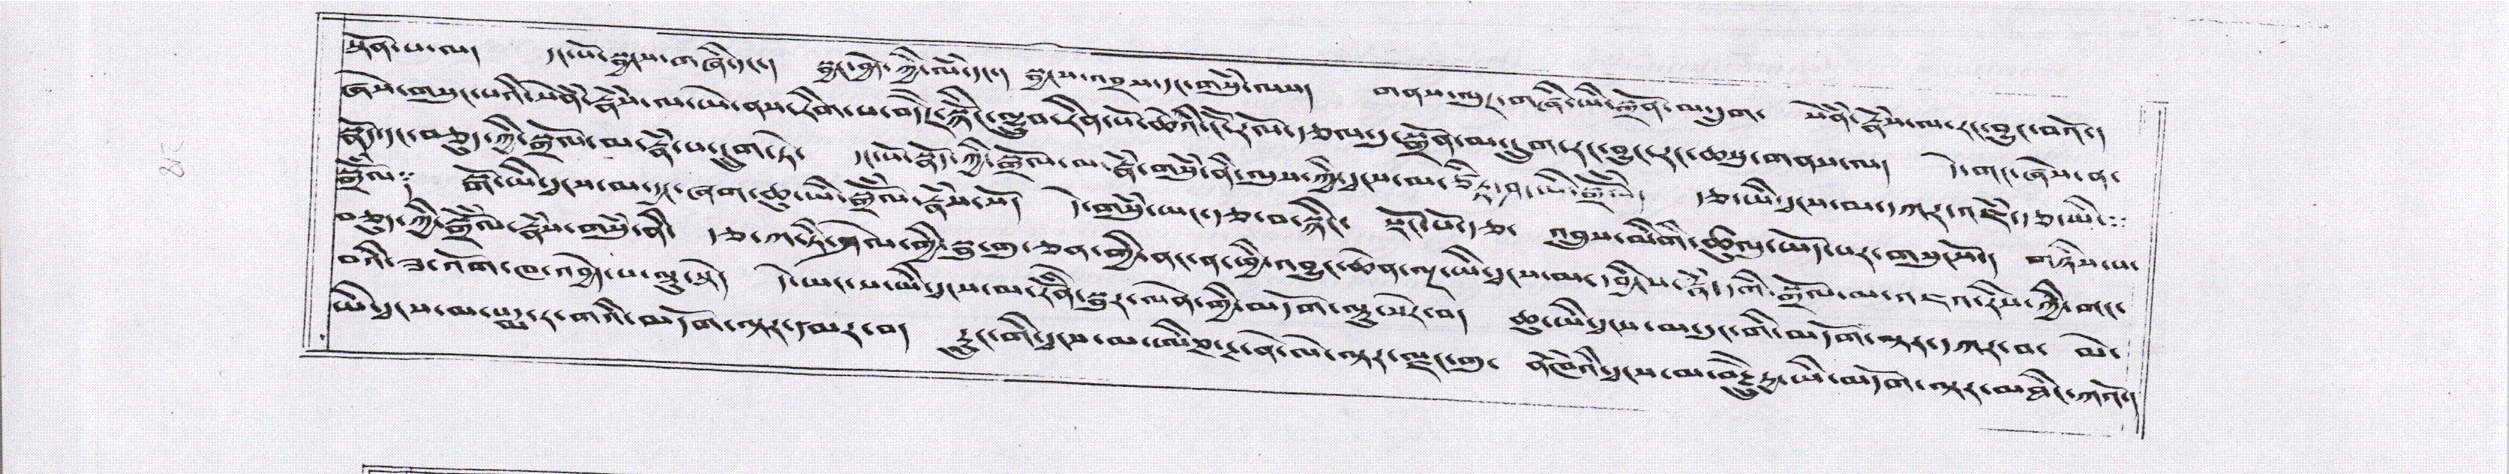སྟོན་པ་ལ། དང་པོ་སྦྱང་གཞི་དང་། སྦྱོང་བྱེད་ཀྱི་ལམ་དང་། སྦྱངས་འབྲས་དང་གསུམ་ལས། དང་པོ་སྦྱང་བའི་གཞི་ནི། གནས་ལུགས་གཞི་ཡི་སྒྲོན་མ་དྲུག ༼རྣལ་འབྱོར་ལམ་གྱི་སྒྲོན་མ་བཞི།༽སེམས་ཅན་རྣམས་ལ་རང་བྱུང་བའོ། 
ཞེས་གསུངས་པའི་སེམས་ཅན་རྣམས་ལ་ཡེ་ནས་ལྷུན་གྲུབ་རིན་པོ་ཆེའི་ངོ་བོ་རོལ་རྩལ་དུ་སྒྲོན་མ་དྲུག་རང་འབྱུང་རང་ཆས་སུ་གནས་ལ། དེ་གང་ཡིན་ཞེ་ན། 
སྣོད་དང་བཅུད་ཀྱི་སྒྲོན་མ་རྣམ་པ་དྲུག་ཡིན་ཏེ། དང་པོ་སྣོད་ཀྱི་སྒྲོན་མ་རྣམ་གསུམ་ནི། ལུས་ཀྱི་དྭངས་མ་རྩི་རྟ་ཤ་ཡི་སྒྲོན་མ། རྩ་ཡི་དྭངས་མ་དཀར་འཇམ་རྩ་ཡི་
སྒྲོན་མ། སྒོ་ཡི་དྭངས་མ་རྒྱང་ཞགས་ཆུའི་སྒྲོན་མ་རྣམས་སོ། དེ་གསུམ་ཡང་རྩ་བ་སྙིང་། སྡོང་པོ་རྩ། འབྲས་བུ་མིག་གི་ཚུལ་དུ་ཡོད་པར་གསུངས་སོ། གཉིས་པ་
བཅུད་ཀྱི་སྒྲོན་མ་རྣམ་གསུམ་ནི། རྩ་ཀ་ཏི་ཤེལ་གྱི་སྦུ་གུ་ཅན་གྱི་ནང་དུ་ཕྱི་འབྱུང་ཆེན་ལྔ་ཡི་དྭངས་མ་དབྱིངས་རྣམ་དག་གི་སྒྲོན་མ་འཇའ་རིས་ཀྱིས་གང་
བའི་ཟ་འོག་ཁ་འབྱེད་པ་ལྟ་བུ་སྟེ། དེ་ཡང་ས་ཡི་དྭངས་མ་རིན་པོ་ཆེ་སྦུར་ལེན་གྱི་མདོག་ལྟ་བུ་སེར་བ། ཆུའི་དྭངས་མ་དུང་གི་མདོག་ལྟར་དཀར་བ། མེ་
ཡི་དྭངས་མ་པད་མ་ར་གའི་མདོག་ལྟར་དམར་བ། རླུང་གི་དྭངས་མ་ཨིནྟྲ་ནི་ལེ་ལྟར་ལྗང་ཁུ། ནམ་མཁའི་དྭངས་མ་རིན་པོ་ཆེའི་བཱཻཌཱུརྱའི་མདོག་ལྟར་མཐིང་གའོ།